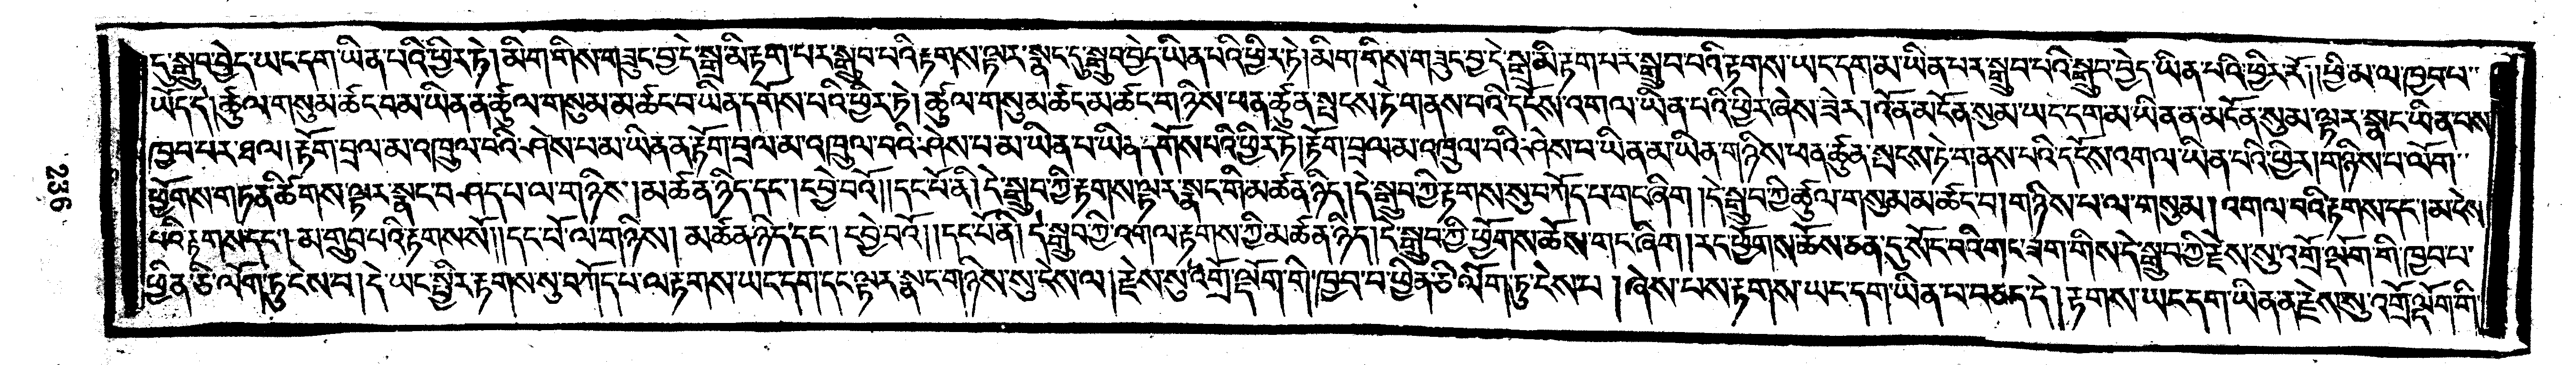དུ་སྒྲུབ་བྱེད་ཡང་དག་ཡིན་པའི་ཕྱིར་ཏེ། མིག་གིས་གཟུང་བྱ་དེ་སྒྲ་མི་རྟག་པར་སྒྲུབ་པའི་རྟགས་ལྟར་སྣང་དུ་སྒྲུབ་བྱེད་ཡིན་པའི་ཕྱིར་ཏེ། མིག་གིས་གཟུང་བྱ་དེ་སྒྲ་མི་རྟག་པར་སྒྲུབ་པའི་རྟགས་ཡང་དག་མ་ཡིན་པར་སྒྲུབ་པའི་སྒྲུབ་བྱེད་ཡིན་པའི་ཕྱིར་རོ། །ཕྱི་མ་ལ་ཁྱབ་པ་
ཡོད་དེ། ཚུལ་གསུམ་ཚང་བ་མ་ཡིན་ན་ཚུལ་གསུམ་མ་ཚང་བ་ཡིན་དགོས་པའི་ཕྱིར་ཏེ། ཚུལ་གསུམ་ཚང་མ་ཚང་གཉིས་ཕན་ཚུན་སྤངས་ཏེ་གནས་པའི་དངོས་འགལ་ཡིན་པའི་ཕྱིར་ཞེས་ཟེར། འོ་ན་མངོན་སུམ་ཡང་དག་མ་ཡིན་ན་མངོན་སུམ་ལྟར་སྣང་ཡིན་པས་
ཁྱབ་པར་ཐལ། རྟོག་བྲལ་མ་འཁྲུལ་བའི་ཤེས་པ་མ་ཡིན་ན་རྟོག་བྲལ་མ་འཁྲུལ་བའི་ཤེས་པ་མ་ཡིན་པ་ཡིན་དགོས་པའི་ཕྱིར་ཏེ། རྟོག་བྲལ་མ་འཁྲུལ་བའི་ཤེས་པ་ཡིན་མ་ཡིན་གཉིས་ཕན་ཚུན་སྤངས་ཏེ་གནས་པའི་དངོས་འགལ་ཡིན་པའི་ཕྱིར། གཉིས་པ་ལོག་
ཕྱོགས་གཏན་ཚིགས་ལྟར་སྣང་བཤད་པ་ལ་གཉིས། མཚན་ཉིད་དང་། དབྱེ་བའོ། །དང་པོ་ནི། དེ་སྒྲུབ་ཀྱི་རྟགས་ལྟར་སྣང་གི་མཚན་ཉིད། དེ་སྒྲུབ་ཀྱི་རྟགས་སུ་བཀོད་པ་གང་ཞིག །དེ་སྒྲུབ་ཀྱི་ཚུལ་གསུམ་མ་ཚང་བ། གཉིས་པ་ལ་གསུམ། འགལ་བའི་རྟགས་དང་། མ་ངེས་
པའི་རྟགས་དང་། མ་གྲུབ་པའི་རྟགས་སོ། །དང་པོ་ལ་གཉིས། མཚན་ཉིད་དང་། དབྱེ་བའོ། །དང་པོ་ནི། དེ་སྒྲུབ་ཀྱི་འགལ་རྟགས་ཀྱི་མཚན་ཉིད། དེ་སྒྲུབ་ཀྱི་ཕྱོགས་ཆོས་གང་ཞིག །རང་ཕྱོགས་ཆོས་ཅན་དུ་སོང་བའི་གང་ཟག་གིས་དེ་སྒྲུབ་ཀྱི་རྗེས་སུ་འགྲོ་ལྡོག་གི་ཁྱབ་པ་
ཕྱིན་ཅི་ལོག་ཏུ་ངེས་པ། དེ་ཡང་སྤྱིར་རྟགས་སུ་བཀོད་པ་ལ་རྟགས་ཡང་དག་དང་ལྟར་སྣང་གཉིས་སུ་ངེས་ལ། རྗེས་སུ་འགྲོ་ལྡོག་གི་ཁྱབ་པ་ཕྱིན་ཅི་ལོག་ཏུ་ངེས་པ། ཞེས་པས་རྟགས་ཡང་དག་ཡིན་པ་བཅད་དེ། རྟགས་ཡང་དག་ཡིན་ན་རྗེས་སུ་འགྲོ་ལྡོག་གི་